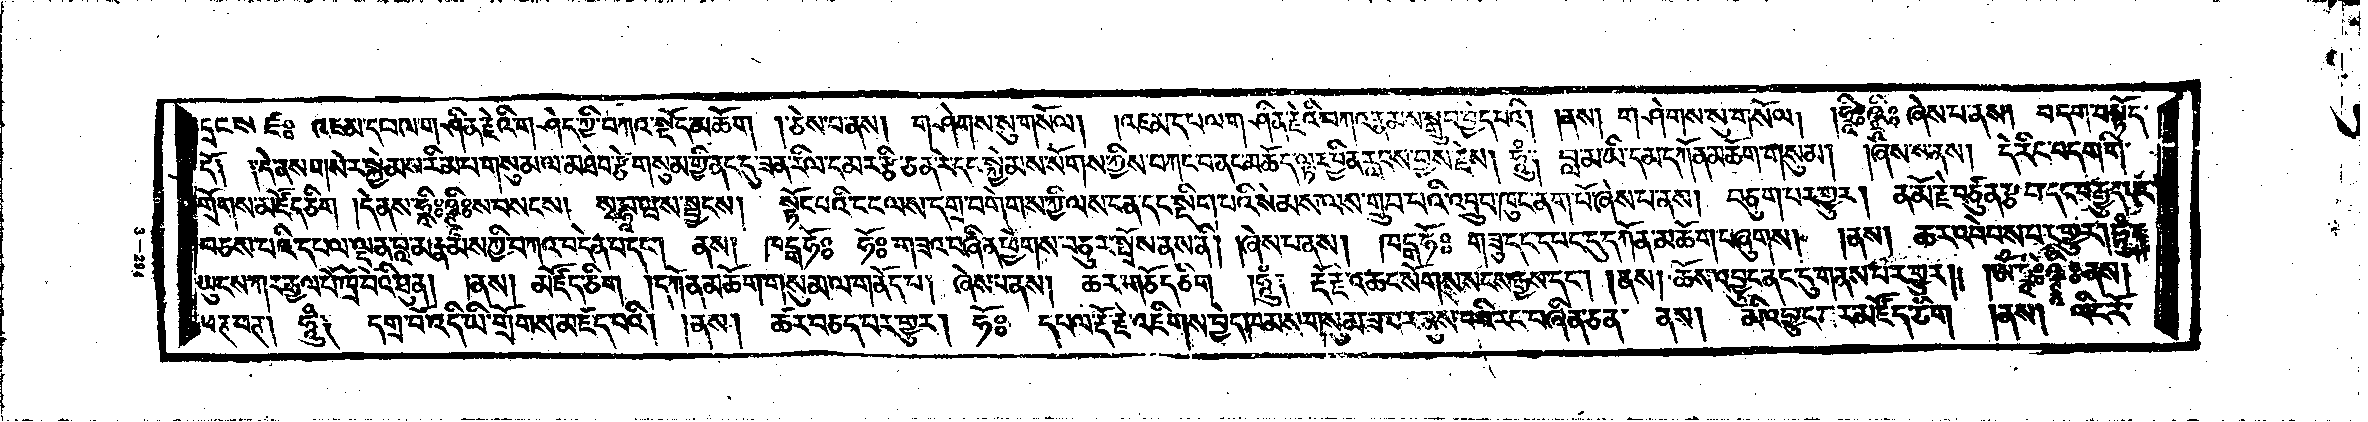དྲངས་ཛཿའཇམ་དཔལ་གཤིན་རྗེའི་གཤེད་ཀྱི་བཀའ་སྡོད་མཆོག །ཅེས་པ་ནས། གཤེགས་སུ་གསོལ། །འཇམ་དཔལ་གཤིན་རྗེའི་བཀའ་རྣམས་སྒྲུབ་བྱེད་པའི། །ནས། གཤེགས་སུ་གསོལ། །ཧྲཱིཿཥྚྲཱིཿཞེས་པ་ནས། བདག་བསྟོད་
དོ༑ ༑དེ་ནས་གསེར་སྐྱེམས་རིམ་པ་གསུམ་ལ་མཐེབ་རྩེ་གསུམ་གྱི་ནང་དུ་ཟན་རིལ་དམར་རྩི་ཅན་རེ་དང་སྐྱེམས་སོགས་ཀྱིས་བཀང་བ་ནང་མཆོད་ལྟར་བྱིན་རླབས་བྱས་རྗེས། ཧཱུཾ། བླ་མ་ཡི་དམ་དཀོན་མཆོག་གསུམ། །ཞེས་པ་ནས། དེ་རིང་བདག་གི་
གྲོགས་མཛོད་ཅིག །དེ་ནས་ཧྲཱིཿཥྚྲཱིཿས་བསངས། སྭ་བྷཱ་ཝས་སྦྱངས། སྟོང་པའི་ངང་ལས་དགྲ་བགེགས་ཀྱི་ལས་ངན་དང་སྡིག་པའི་སེམས་ལས་གྲུབ་པའི་འབྲུབ་ཁུང་ནག་པོ་ཞེས་པ་ནས། བཅུག་པར་གྱུར། ན་མོ་རྗེ་བཙུན་རྩ་བ་དང་བརྒྱུད་པར་
བཅས་པའི་དཔལ་ལྡན་བླ་མ་རྣམས་ཀྱི་བཀའ་བདེན་པ་དང་། ནས། ཁངྒ་ཧོཿཧོཿགཟའ་བཞིན་ཕྱོགས་བཅུར་སྤྲོས་ནས་ནི། །ཞེས་པ་ནས། ཁངྒཧོཿ གཟུ་དང་དབང་དུ་དཀོན་མཆོག་བཞུགས། །ནས། ཆར་འབེབས་པར་གྱུར། ཧཱུཾ༑
ཡུངས་ཀར་རྒྱལ་པོ་ཁྲོ་བོའི་ཐུན། །ནས། མཛོད་ཅིག །དཀོན་མཆོག་གསུམ་ལ་གནོད་པ། ཞེས་པ་ནས། ཆར་གཅོད་ཅིག །ཧཱུཾ༑ རྡོ་རྗེ་འཆང་སོགས་སངས་རྒྱས་དང་། །ནས། ཆོས་འབྱུང་ནང་དུ་གནས་པར་གྱུར།། །ཨོཾ་ཧྲཱིཿཥྚྲཱིཿནས།
ཕཌ་ཕཌ། ཧཱུཾ༑ དགྲ་བོ་འདི་ཡི་གྲོགས་མཛད་པའི། །ནས། ཚར་བཅད་པར་གྱུར། ཧོཿ དཔལ་རྡོ་རྗེ་འཇིགས་བྱེད་ཁམས་གསུམ་ཟ་བར་ནུས་པའི་རང་བཞིན་ཅན་ནས། མི་འབྱུང་བར་མཛོད་ཅིག །ནས། ལིང་རོ་